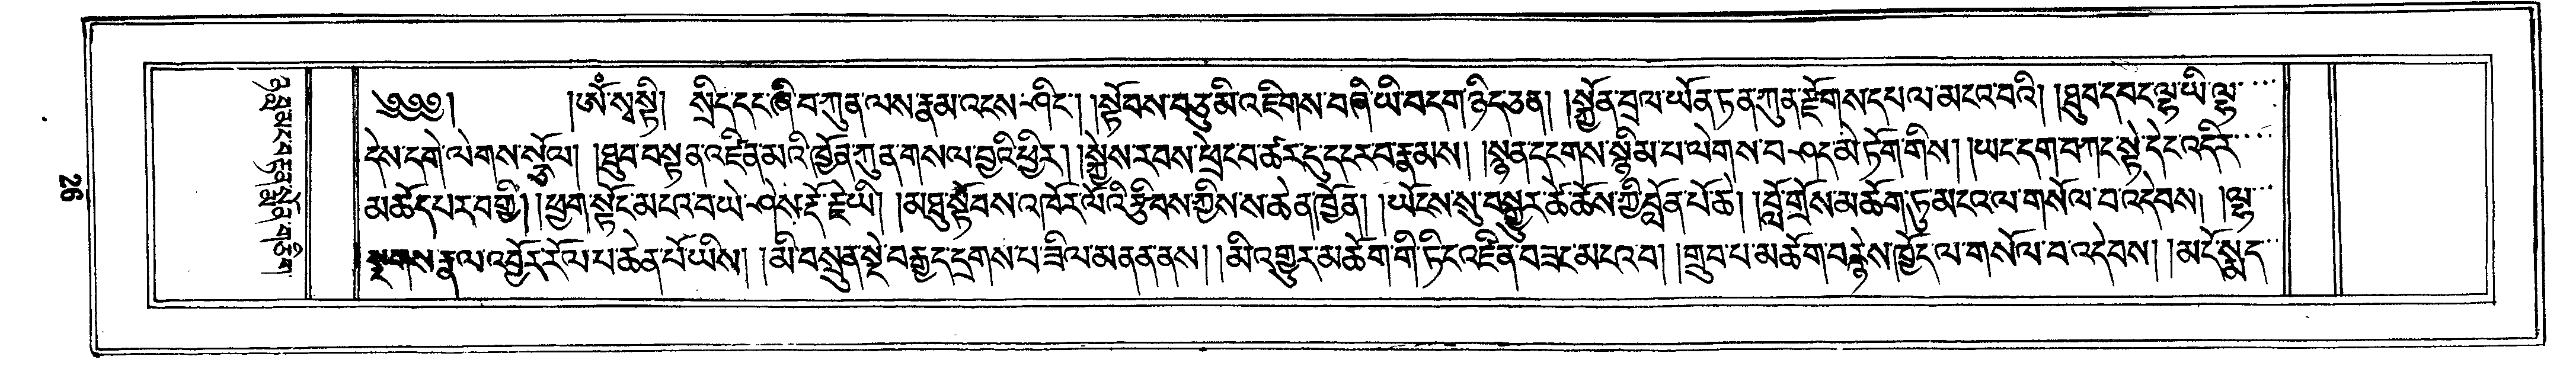༄༅༅། །ཨོཾ་སྭསྟི། སྲིད་དང་ཞི་བ་ཀུན་ལས་རྣམ་འངས་ཤིང་། །སྟོབས་བཅུ་མི་འཇིགས་བཞི་ཡི་བདག་ཉིད་ཅན། །སྐྱོན་བྲལ་ཡོན་ཏན་ཀུན་རྫོགས་དཔལ་མངའ་བའི། །ཐུབ་དབང་ལྷ་ཡི་ལྷ་
དེས་དགེ་ལེགས་སྩོལ། །ཐུབ་བསྟན་འཛིན་མའི་ཁྱོན་ཀུན་གསལ་བྱའི་ཕྱིར། །སྐྱེས་རབས་ཕྲེང་བ་ཚར་དུ་དངར་བ་རྣམས། །སྙན་དངགས་སྙིམ་པ་ལེགས་བཤད་མེ་ཏོག་གིས། །ཡང་དག་བཀང་སྟེ་དེང་འདིར་
མཆོད་པར་བགྱི། །ཕྱག་སྟོང་མངའ་བ་ཡེ་ཤེས་རྡོ་རྗེ་ཡི། །མཐུ་སྟོབས་འཁོར་ལོའི་རྩིབས་ཀྱིས་ས་ཆེན་ཁྱོན། །ཡོངས་སུ་བསྒྱུར་ཚེ་ཆོས་ཀྱི་བློན་པོ་ཆེ། །བློ་གྲོས་མཆོག་ཏུ་མངའ་ལ་གསོལ་བ་འདེབས། །ལྷ་
སྔགས་རྣལ་འབྱོར་རོལ་པ་ཆེན་པོ་ཡིས། །མི་བསྲུང་སྡེ་བརྒྱད་དྲེགས་པ་ཟིལ་མནན་ནས། །མི་འགྱུར་མཆོག་གི་ཏིང་འཛིན་བཟང་མངའ་བ། །གྲུབ་བ་མཆོག་བརྙེས་ཁྱོད་ལ་གསོལ་བ་འདེབས། །མདོ་སྨད་